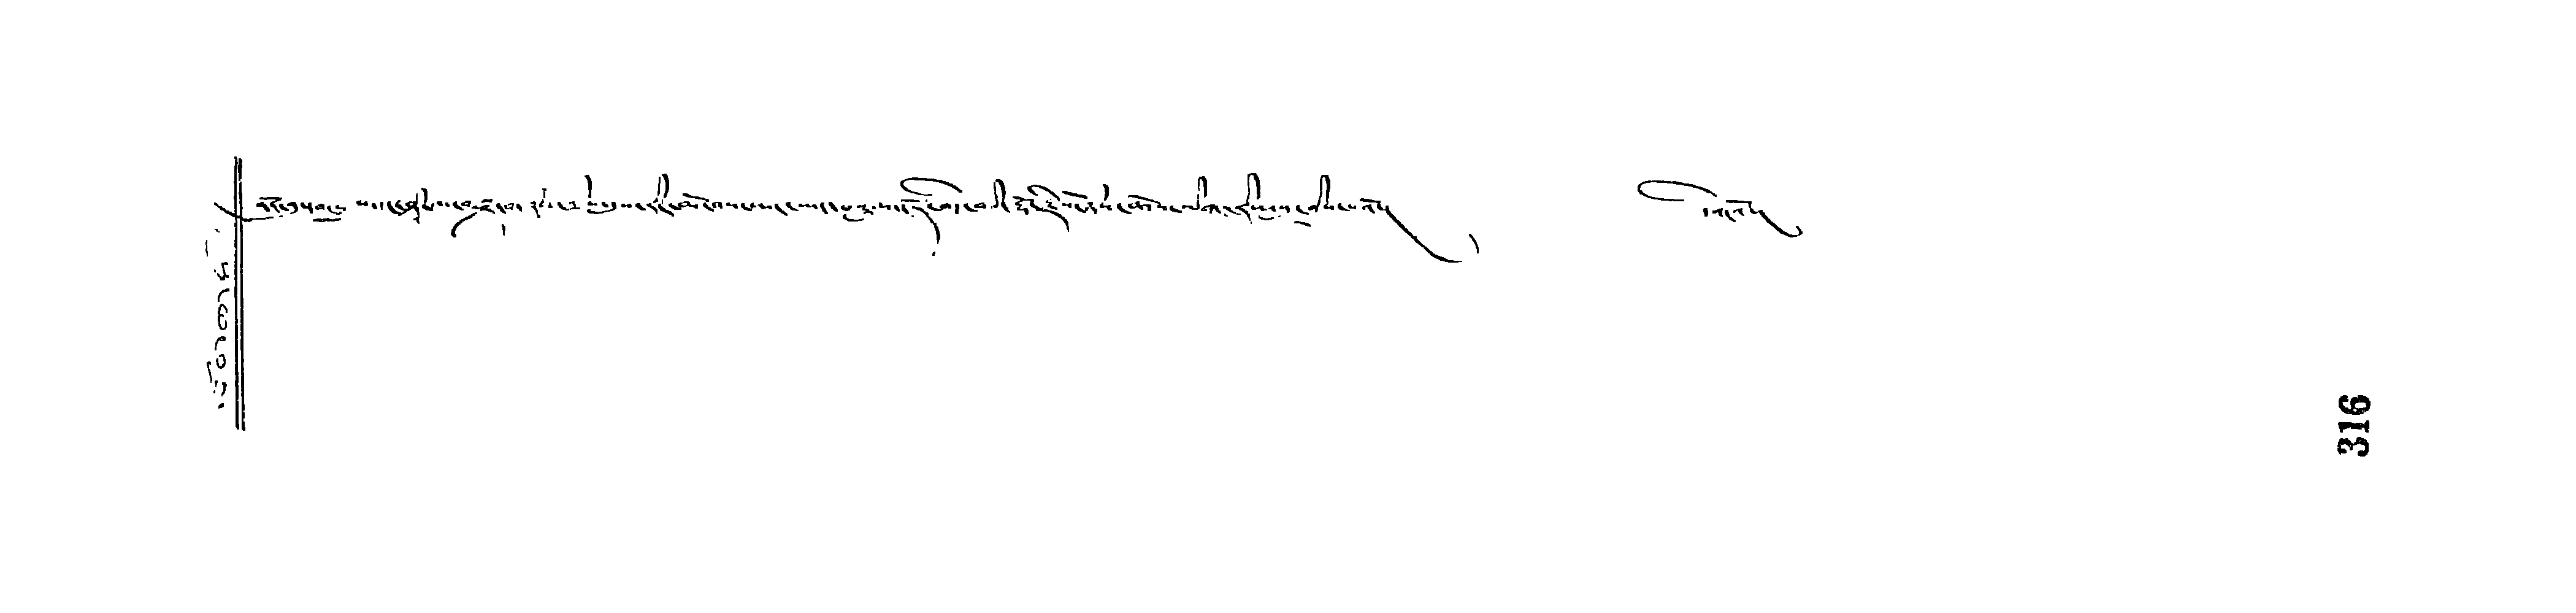ནོར་བུ་དབང་རྒྱལ་དང་ཤཱི་ལ་བཛྲ་གཉིས་ཀྱིས་དུས་རིང་མོ་ནས་ཡང་ཡང་བསྐུལ་ངོར་བདེ་བའི་རྡོ་རྗེས་ཉམས་ཆོས་ཡིག་རིས་སུ་བྲིས་པའོ།། མངྒ་ལམ།།